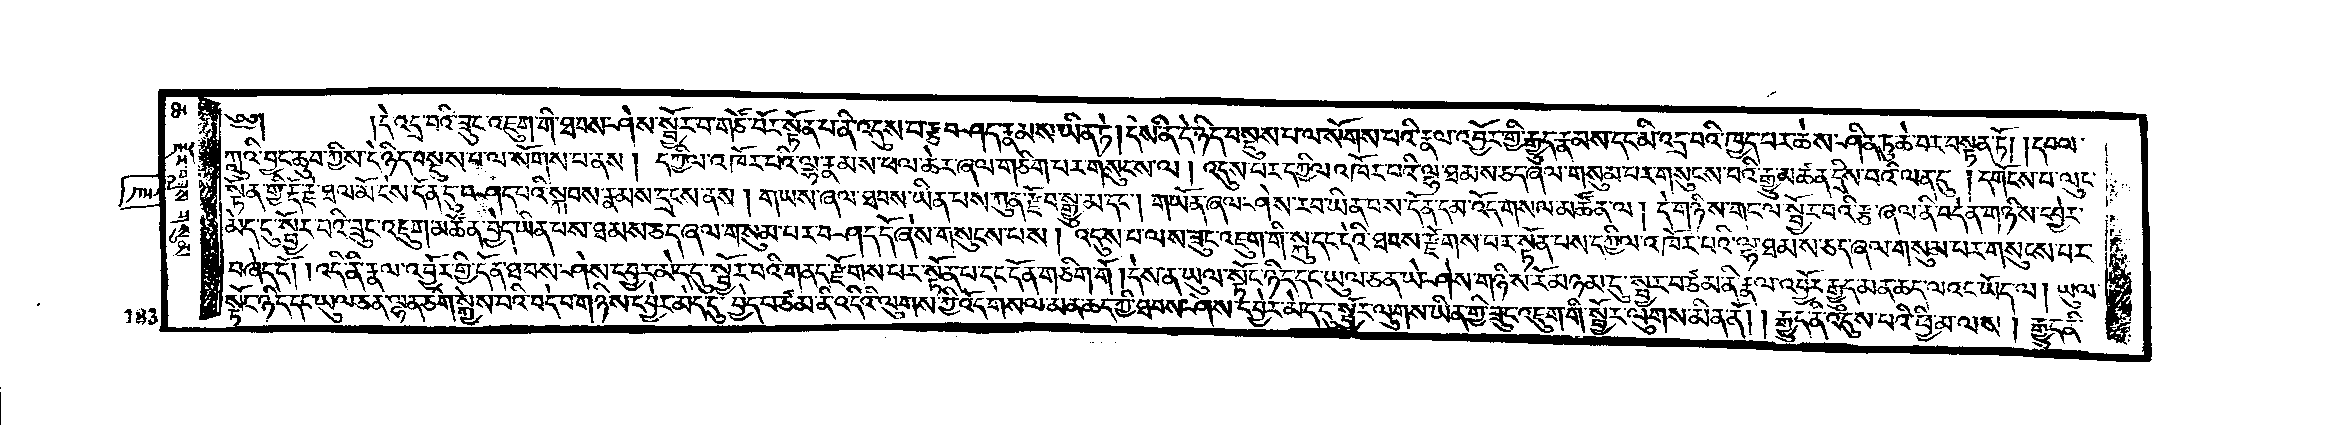༄༅། །དེ་འདྲ་བའི་ཟུང་འཇུག་གི་ཐབས་ཤེས་སྦྱོར་བ་གཙོ་བོར་སྟོན་པ་ནི་འདུས་པ་རྩ་བཤད་རྣམས་ཡིན་ཏེ། དེས་ནི་དེ་ཉིད་བསྡུས་པ་ལ་སོགས་པའི་རྣལ་འབྱོར་གྱི་རྒྱུད་རྣམས་དང་མི་འདྲ་བའི་ཁྱད་པར་ཆེས་ཤིན་ཏུ་ཆེ་བར་བསྟན་ཏོ། །དཔལ་
ཀླུའི་བྱང་ཆུབ་ཀྱིས་དེ་ཉིད་བསྡུས་པ་ལ་སོགས་པ་ནས། དཀྱིལ་འཁོར་པའི་ལྷ་རྣམས་ཕལ་ཆེར་ཞལ་གཅིག་པར་གསུངས་ལ། འདུས་པར་དཀྱིལ་འཁོར་བའི་ལྷ་ཐམས་ཅད་ཞལ་གསུམ་པར་གསུངས་པའི་རྒྱུ་མཚན་དྲིས་པའི་ལན་དུ། དགོངས་པ་ལུང་
སྟོན་གྱི་རྡོ་རྗེ་ཐལ་མོ་ངེས་དོན་དུ་བཤད་པའི་སྐབས་རྣམས་དྲངས་ནས། གཡས་ཞལ་ཐབས་ཡིན་པས་ཀུན་རྫོབ་སྒྱུ་མ་དང་། གཡོན་ཞལ་ཤེས་རབ་ཡིན་པས་དོན་དམ་འོད་གསལ་མཚོན་ལ། དེ་གཉིས་གང་ལ་སྦྱོར་བའི་རྩ་ཞལ་ནི་བདེན་གཉིས་དབྱེར་
མེད་དུ་སྦྱོར་བའི་ཟུང་འཇུག་མཚོན་བྱེད་ཡིན་པས་ཐམས་ཅད་ཞལ་གསུམ་པར་བཤད་དོ་ཞེས་གསུངས་པས། འདུས་པ་ལས་ཟུང་འཇུག་གི་སྐུ་དང་དེའི་ཐབས་རྫོགས་པར་སྟོན་པས་དཀྱིལ་འཁོར་པའི་ལྷ་ཐམས་ཅད་ཞལ་གསུམ་པར་གསུངས་པར་
བཞེད་དོ། །འདི་ནི་རྣལ་འབྱོར་གྱི་དོན་ཐབས་ཤེས་དབྱར་མེད་དུ་སྦྱོར་བའི་གནད་རྫོགས་པར་སྟོན་པ་དང་དོན་གཅིག་གོ །དེས་ན་ཡུལ་སྟོང་ཉིད་དང་ཡུལ་ཅན་ཡེ་ཤེས་གཉིས་རོ་མཉམ་དུ་སྦྱར་བ་ཙམ་ནི་རྣལ་འབྱོར་རྒྱུད་མན་ཆད་ལའང་ཡོད་ལ། ཡུལ་
སྟོང་ཉིད་དང་ཡུལ་ཅན་ལྷན་ཅིག་སྐྱེས་པའི་བདེ་བ་གཉིས་དབྱེར་མེད་དུ་བྱེད་པ་ཙམ་ནི་འདིའི་ལུགས་ཀྱི་འོད་གསལ་མན་ཆད་ཀྱི་ཐབས་ཤེས་དབྱེར་མེད་དུ་སྦྱོར་ལུགས་ཡིན་གྱི་ཟུང་འཇུག་གི་སྦྱོར་ལུགས་མིན་ནོ། །རྒྱུད་ནི་འདུས་པའི་ཕྱི་མ་ལས། རྒྱུད་ནི་